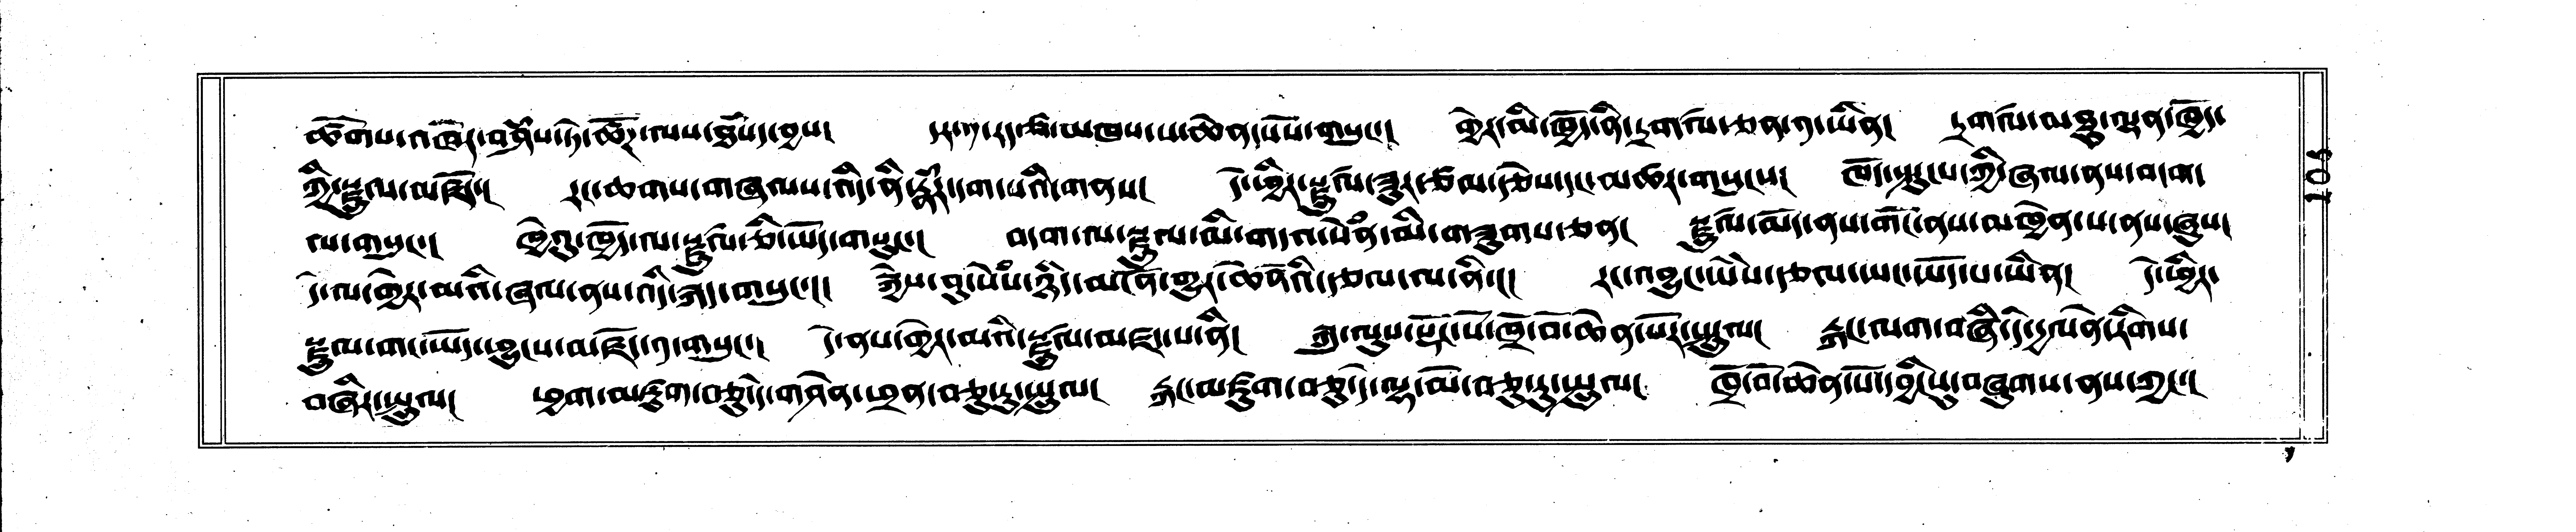ཚོགས་འཁོར་བཤམས་ཏེ་ཚོགས་ལས་ཐམས་ཅད་བྱས། དར་གཅིག་རད་ཙ་མཁས་པ་ཆེན་པོས་གསུང་། གྱེར་མི་ཁྱོད་ནི་དྲག་རྩལ་ཅན་གཅིག་ཡིན། དྲག་རྩལ་མཐུ་ལྡན་ཁྱོད་
ཀྱི་རྫུ་འཕྲུལ་མཛོད། རང་ཅག་གཞལ་ཡས་འདི་ནི་རྣམ་པར་དག་པའི་གནས། དེ་ཕྱིར་རྫུ་འཕྲུལ་ཟུར་ཙམ་རྩེས་དང་མཚར་གསུངས། ཁོད་སྤུངས་ཀྱི་ཞལ་ནས་བདག་
ལ་གསུངས། ཁྱེའུ་ཁྱོད་ལ་རྫུ་འཕྲུལ་ཅི་ཡོད་གསུང་། བདག་ལ་རྫུ་འཕྲུལ་མི་གདའ་སེམས་ཅན་མི་གཟུགས་ཅན། རྫུ་འཕྲུལ་མོད་ནས་གོང་ནས་མཁྱེན་པ་ནས་ཞུས། 
དེ་ལ་གྱེར་མིའི་ཞལ་ནས་འདི་སྐད་གསུངས། སྐྱེས་བུ་སེམས་ཉིད་མངོན་གྱུར་ཆེན་པོའི་རྩལ་ལ་ནི། རང་འབྱུང་ཡེ་ཤེས་རྩལ་ཡང་ཡོད་པ་ཡིན། དེ་ཕྱིར་
རྫུ་འཕྲུལ་གང་ཡོད་ཕྱུངས་མཛོད་གཅིག་གསུངས། དེ་ནས་གྱེར་མིའི་རྫུ་འཕྲུལ་མཛད་པ་ནི། སྐུ་ལུས་སྡོང་པོ་ཁྲོ་བོ་ཆེན་པོར་སྤྲུལ། རྐང་ལག་བཞི་དེ་རྒྱལ་ཆེན་རིགས་
བཞིར་སྤྲུལ། ཕྱག་མཛུག་བཅུ་དེ་གཤེན་ཕྲན་བཅུ་རུ་སྤྲུལ། རྐང་མཛུག་བཅུ་དེ་ལྷ་མོ་བཅུ་རུ་སྤྲུལ། ཁྲོ་བོ་ཆེན་པོ་དབྱིངས་སུ་བཞུགས་ནས་ཀྱང་།